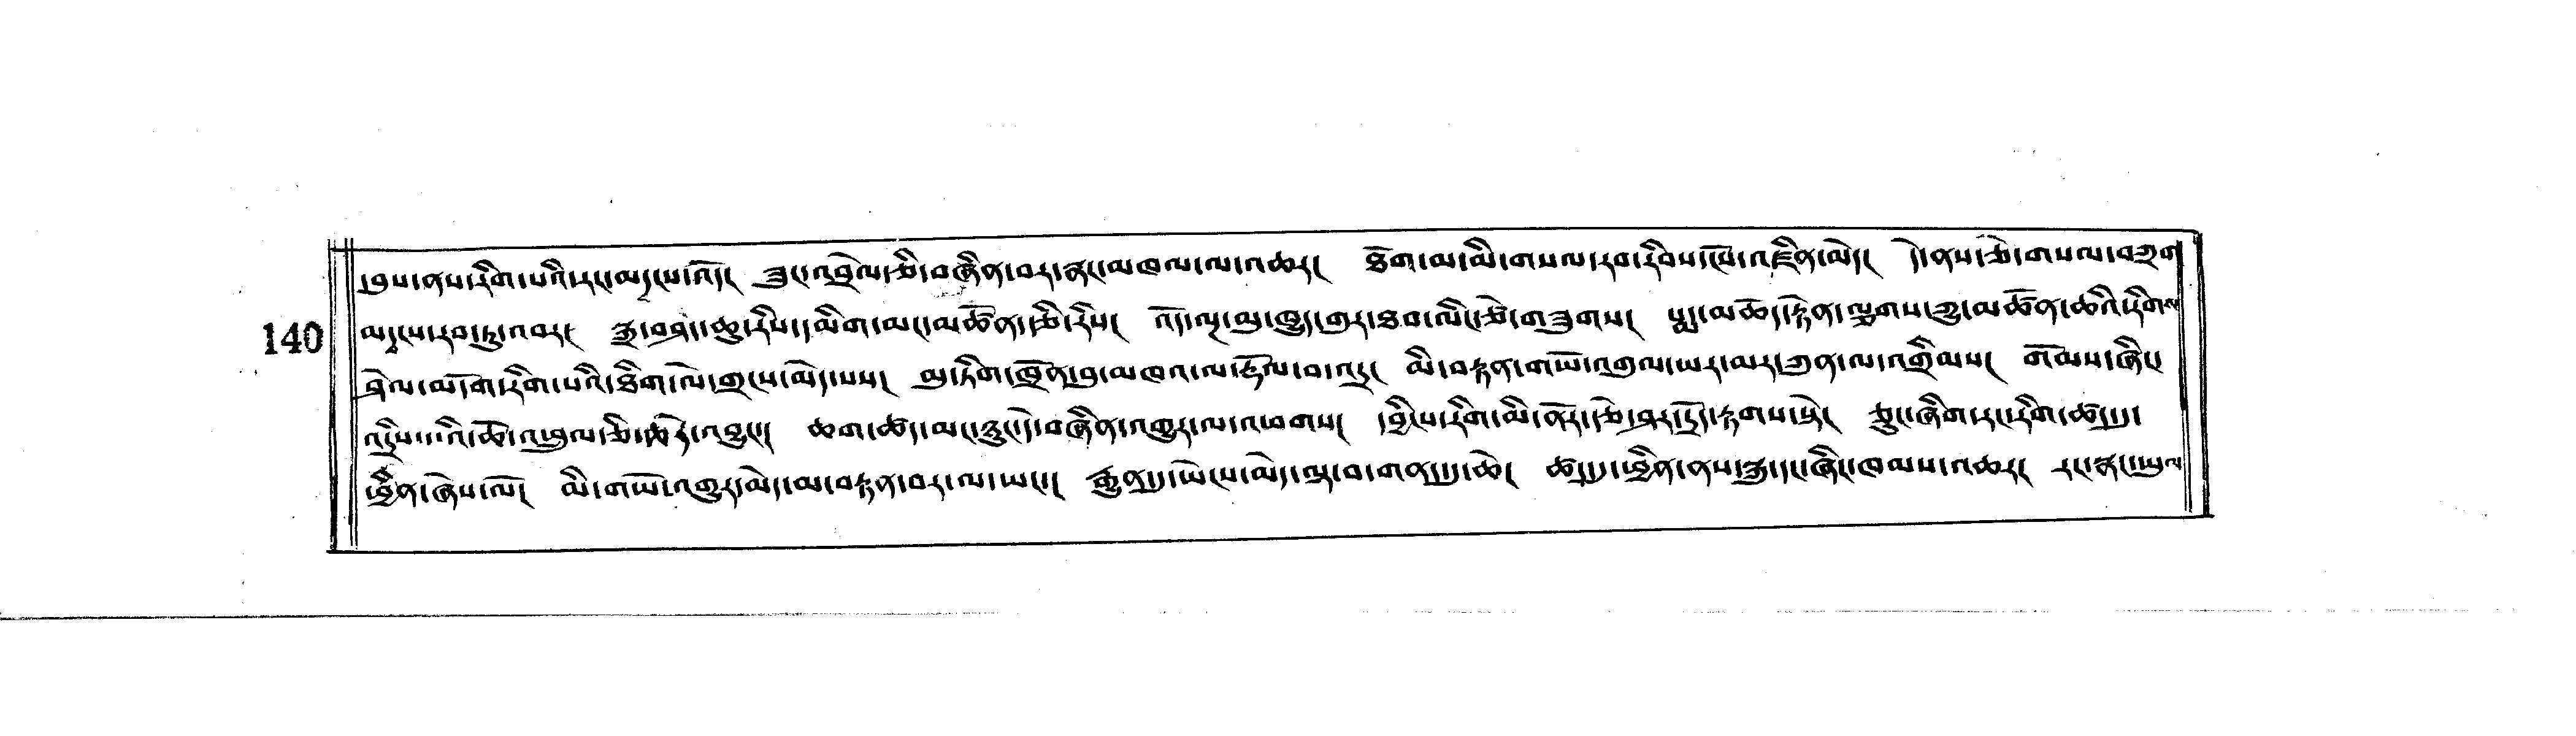དབུས་ནས་རིག་པའི་རང་མདངས་འོད། ཟུང་འབྲེལ་ཅི་བཞིན་བར་སྣང་མཁའ་ལ་འཆར། ཐོག་མ་མི་གསལ་རབ་རིབ་ངོས་འཛིན་མེད། དེ་ནས་རྩེ་གསལ་བཀྲག་
མདངས་རབ་ཏུ་འབར། སྐྲ་ཤད་ཆུ་རིས་དམིག་མང་ཚོན་རྩི་རིས། འོད་ལྔ་མུ་ཁྱུད་གུར་ཐབ་ལིང་ཙེ་གཟུགས། པད་མ་མཆོད་རྟེན་ལྕཀྱུ་མཚོན་ཆའི་རིགས། 
ཤེལ་མདོག་རིག་པའི་ཐིག་ལེ་གྲངས་མེད་པས། མུ་ཏིག་ཁྲོན་བུ་མཁའ་ལ་བརྡོལ་བ་འདྲ། མི་བརྟན་གཡོ་འགུལ་ཡར་མར་ཀུན་ལ་འགྲིམས། གོམས་ཤིང་
འདྲིས་པའི་ཆོ་འཕྲུལ་ཅི་ཆེར་འབྱུང་། ཆག་ཚད་མང་ཉུང་དེ་བཞིན་འགྱུར་ལ་འཕགས། དབྱིངས་རིག་མི་ནོར་རྩེ་ཤར་དྲོད་རྟགས་ཏེ། ཅུང་ཞིག་རང་རིག་ཚད་དུ་
ཕྱིན་ཞེས་ལོ། མི་གཡོ་འགྱུར་མེད་མ་བརྟན་བར་ལ་ཡང་། རྒྱུན་དུ་ཡེངས་མེད་ལྟ་བ་གནད་དུ་ཆེ། ཚད་དུ་ཕྱིན་ནས་སྐུ་དང་ཞིང་ཁམས་འཆར། རང་སྣང་ཡུལ་